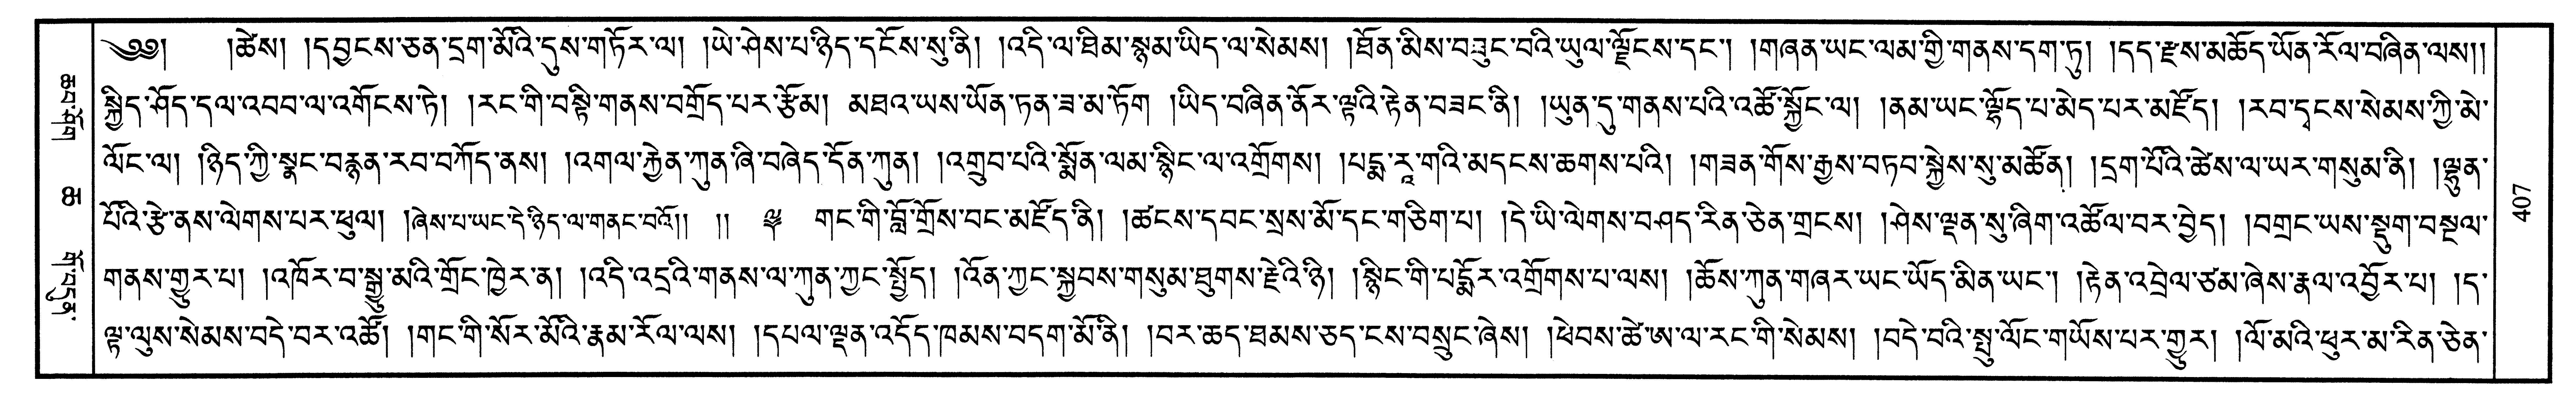༄༅། །ཚེས། །དབྱངས་ཅན་དྲག་མོའི་དུས་གཏོར་ལ། །ཡེ་ཤེས་པ་ཉིད་དངོས་སུ་ནི། །འདི་ལ་ཐིམ་སྙམ་ཡིད་ལ་སེམས། །ཐོན་མིས་བཟུང་བའི་ཡུལ་ལྗོངས་དང་། །གཞན་ཡང་ལམ་གྱི་གནས་དག་ཏུ། །དད་རྫས་མཆོད་ཡོན་རོལ་བཞིན་ལས།།
སྐྱིད་ཤོད་དལ་འབབ་ལ་འགོངས་ཏེ། །རང་གི་བསྟི་གནས་བགྲོད་པར་རྩོམ། མཐའ་ཡས་ཡོན་ཏན་ཟ་མ་ཏོག །ཡིད་བཞིན་ནོར་ལྟའི་རྟེན་བཟང་ནི། །ཡུན་དུ་གནས་པའི་འཚོ་སྐྱོང་ལ། །ནམ་ཡང་ལྷོད་པ་མེད་པར་མཛོད། །རབ་དྭངས་སེམས་ཀྱི་མེ་
ལོང་ལ། །ཉིད་ཀྱི་སྣང་བརྙན་རབ་བཀོད་ནས། །འགལ་རྐྱེན་ཀུན་ཞི་བཞེད་དོན་ཀུན། །འགྲུབ་པའི་སྨོན་ལམ་སྙིང་ལ་འགྲོགས། །པདམ་རཱ་གའི་མདངས་ཆགས་པའི། །གཟན་གོས་རྒྱས་བཏབ་སྐྱེས་སུ་མཚོན། །དྲག་པོའི་ཚེས་ལ་ཡར་གསུམ་ནི། །ལྷུན་
པོའི་རྩེ་ནས་ལེགས་པར་ཕུལ། །ཞེས་པ་ཡང་དེ་ཉིད་ལ་གནང་བའོ།། །། ༈ གང་གི་བློ་གྲོས་བང་མཛོད་ནི། །ཚངས་དབང་སྲས་མོ་དང་གཅིག་པ། །དེ་ཡི་ལེགས་བཤད་རིན་ཅེན་གྲངས། །ཤེས་ལྡན་སུ་ཞིག་འཚོལ་བར་བྱེད། །བགྲང་ཡས་སྡུག་བསྔལ་
གནས་གྱུར་པ། །འཁོར་བ་སྒྱུ་མའི་གྲོང་ཁྱེར་ན། །འདི་འདྲའི་གནས་ལ་ཀུན་ཀྱང་སྤྱོད། །འོན་ཀྱང་སྐྱབས་གསུམ་ཐུགས་རྗེའི་ཉི། །སྙིང་གི་པདམོར་འགྲོགས་པ་ལས། །ཆོས་ཀུན་གཞར་ཡང་ཡོད་མིན་ཡང་། །རྟེན་འབྲེལ་ཙམ་ཞེས་རྣལ་འབྱོར་པ། །ད་
ལྟ་ལུས་སེམས་བདེ་བར་འཚོ། །གང་གི་སོར་མོའི་རྣམ་རོལ་ལས། །དཔལ་ལྡན་འདོད་ཁམས་བདག་མོ་ནི། །བར་ཆད་ཐམས་ཅད་ངས་བསྲུང་ཞེས། །ཕེབས་ཚེ་ཨ་ལ་རང་གི་སེམས། །བདེ་བའི་སྤུ་ལོང་གཡོས་པར་གྱུར། །ལོ་མའི་ཕུར་མ་རིན་ཅེན་